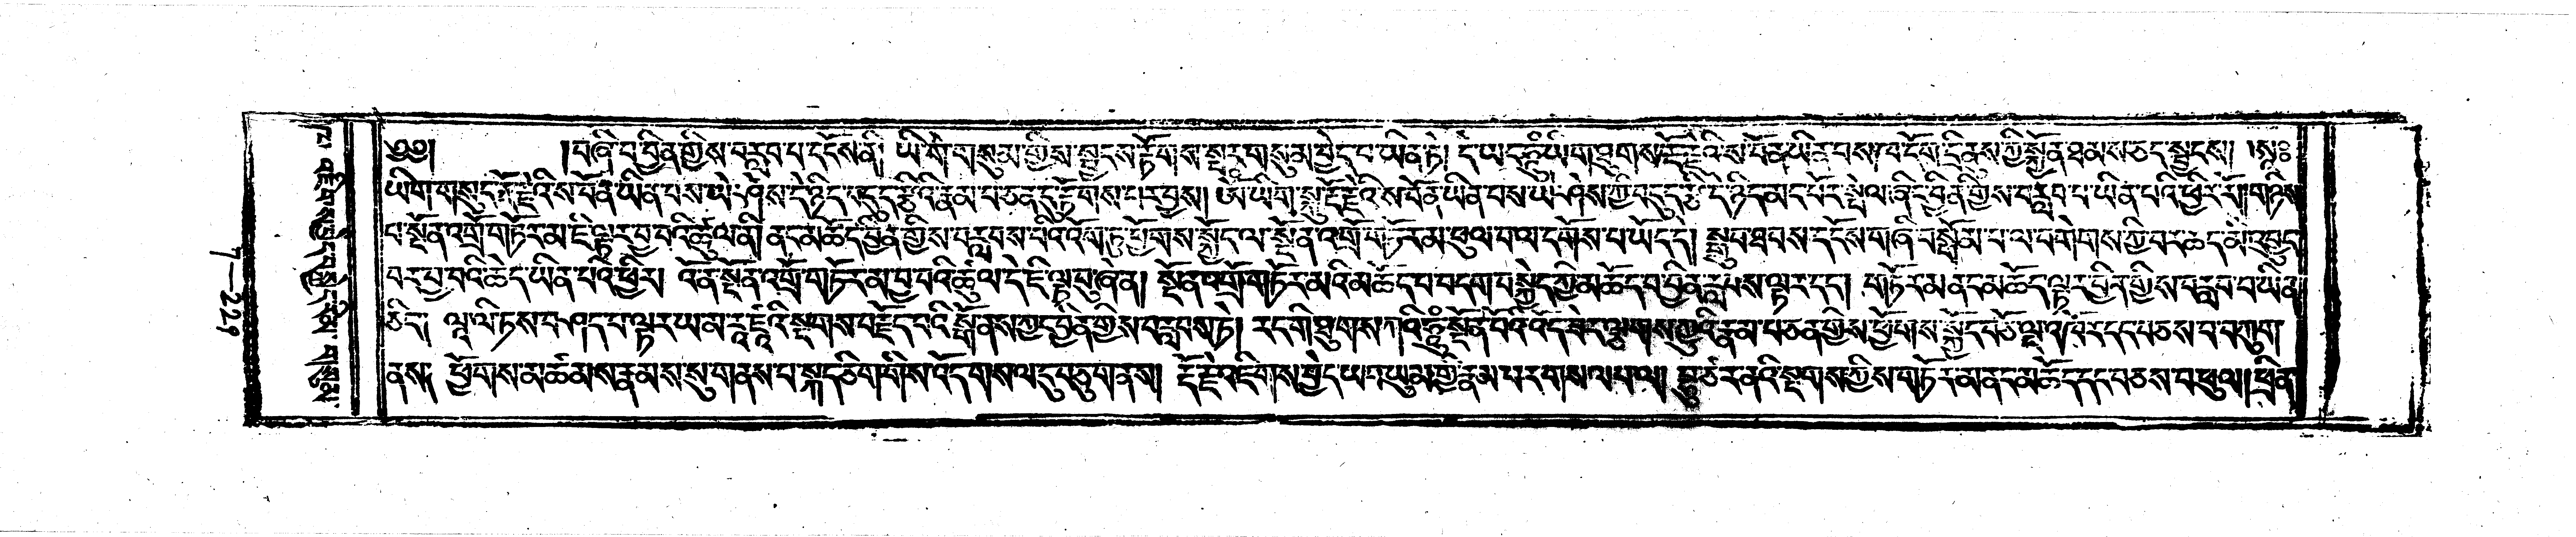༄༅། །བཞི་བ་བྱིན་གྱིས་བརླབ་པ་དངོས་ནི། ཡི་གེ་གསུམ་གྱིས་སྦྱངས་རྟོགས་སྦར་གསུམ་བྱེད་པ་ཡིན་ཏེ། དེ་ཡང་ཧཱུཾ་ཡིག་ཐུགས་རྡོ་རྗེའི་ས་བོན་ཡིན་པས་ཁ་དོག་དྲི་ནུས་ཀྱི་སྐྱོན་ཐམས་ཅད་སྦྱངས། ཨཱ་
ཡིག་གསུང་རྡོ་རྗེའི་ས་བོན་ཡིན་པས་ཡེ་ཤེས་དེ་ཉིད་བདུད་རྩིའི་རྣམ་པ་ཅན་དུ་རྟོགས་པར་བྱས། ཨོཾ་ཡིག་སྐུ་རྡོ་རྗེའི་ས་བོན་ཡིན་པས་ཡེ་ཤེས་ཀྱི་བདུད་རྩི་དེ་ཉིད་མང་པོར་སྤེལ་ཞིང་བྱིན་གྱིས་བརླབ་པ་ཡིན་པའི་ཕྱིར་རོ། །གཉིས་
པ་སྔོན་འགྲོ་གཏོར་མ་ཇི་ལྟར་བྱ་བའི་ཚུལ་ནི། ནང་མཆོད་བྱིན་གྱིས་བརླབས་པའི་འོག་ཏུ་ཕྱོགས་སྐྱོང་ལ་སྔོན་འགྲོ་གཏོར་མ་ཕུལ་བ་ལ་དགོས་པ་ཡོད་དེ། སྒྲུབ་ཐབས་དངོས་གཞི་བསྒོམ་པ་ལ་བགེགས་ཀྱི་བར་ཆད་མི་འབྱུང་
བར་བྱ་བའི་ཆེད་ཡིན་པའི་ཕྱིར། འོ་ན་སྔོན་འགྲོ་གཏོར་མ་བྱ་བའི་ཚུལ་དེ་ཇི་ལྟ་བུ་ཞེ་ན། སྔོན་འགྲོ་གཏོར་མའི་མཆོད་པ་བདག་བསྐྱེད་ཀྱི་མཆོད་པ་བྱིན་རླབས་ལྟར་དང་། གཏོར་མ་ནང་མཆོད་ལྟར་བྱིན་གྱིས་བརླབ་པ་ཡིན་
ཅིང༑ ལཱ་ལི་ཏས་བཤད་པ་ལྟར་ཡ་མ་རཱ་ཛཱའི་སྔགས་བརྗོད་པའི་སྒོ་ནས་ཀྱང་བྱིན་གྱིས་བརླབས་ཏེ། རང་གི་ཐུགས་ཀའི་ཧཱུཾ་སྔོན་པོའི་འོད་ཟེར་ལྕགས་ཀྱུའི་རྣམ་པ་ཅན་གྱིས་ཕྱོགས་སྐྱོང་བཅོ་ལྔ་འཁོར་དང་བཅས་པ་བཀུག་
ནས༑ ཕྱོགས་མཚམས་རྣམས་སུ་གནས་པ་སྐད་ཅིག་གིས་འོད་གསལ་དུ་བཅུག་ནས། རྡོ་རྗེ་འཇིགས་བྱེད་ཡབ་ཡུམ་གྱི་རྣམ་པར་གསལ་བ་ལ། བྷུ་ཙ་ར་ནའི་སྔགས་ཀྱིས་གཏོར་མ་ནང་མཆོད་དང་བཅས་པ་ཕུལ། ཕྲིན་